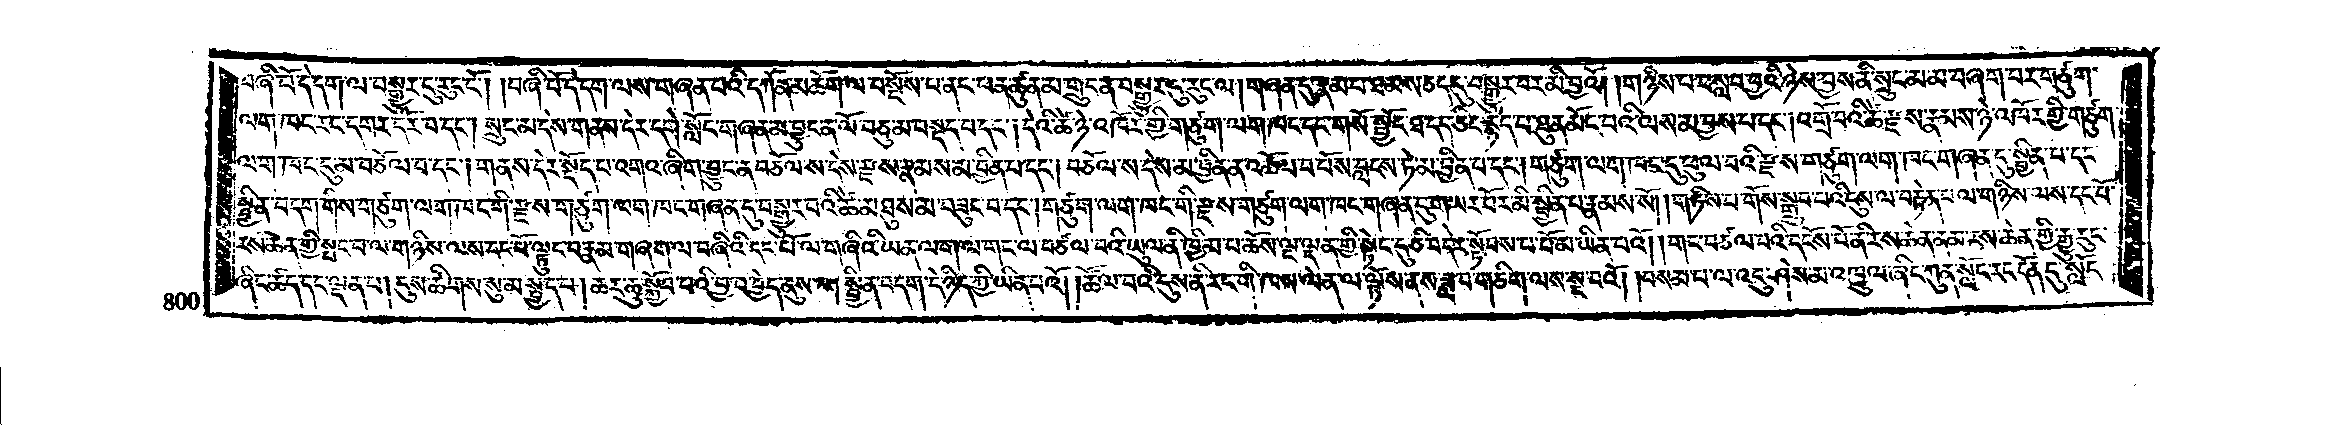བཞི་པོ་དེ་དག་ལ་བསྒྱུར་དུ་རུང་ངོ། །བཞི་པོ་དེ་དག་ལས་གཞན་པའི་དཀོན་མཆོག་ལ་བསྔོས་པ་ནང་ཕན་ཚུན་མ་གྲུབ་ན་བསྒྱུར་དུ་རུང་ལ། གཞན་དུ་རྣམ་པ་ཐམས་ཅད་དུ་བསྒྱུར་བར་མི་བྱའོ། །གཉིས་པ་བསླབ་བྱའི་ཉེས་བྱས་ནི་སྲུང་མ་མ་བཞག་པར་གཙུག་
ལག་ཁང་རང་དགར་དོར་བ་དང་། སྲུང་མ་དེས་གནས་དེར་དགེ་སློང་གཞན་མ་བྱུང་ན་ལོ་བཅུ་མ་བསྡད་པ་དང་། དེའི་ཚེ་ཉེ་འཁོར་གྱི་གཙུག་ལག་ཁང་དང་གསོ་སྦྱོང་ཐ་དད་ཅིང་རྙེད་པ་ཐུན་མོང་བའི་ལས་མ་བྱས་པ་དང་། འགྲོ་བའི་ཚེ་རྫས་རྣམས་ཉེ་འཁོར་གྱི་གཙུག་
ལག་ཁང་དུ་མ་བཅོལ་བ་དང་། གནས་དེར་སྡོད་པ་འགའ་ཞིག་བྱུང་ན་བཅོལ་ས་དེས་རྫས་རྣམས་མ་བྱིན་པ་དང་། བཅོལ་ས་དེས་མ་བྱིན་ན་འཆོལ་བ་པོས་བླངས་ཏེ་མ་བྱིན་པ་དང་། གཙུག་ལག་ཁང་དུ་ཕུལ་བའི་རྫས་གཙུག་ལག་ཁང་གཞན་དུ་སྦྱིན་པ་དང་
སྦྱིན་བདག་གིས་གཙུག་ལག་ཁང་གི་རྫས་གཙུག་ལག་ཁང་གཞན་དུ་བསྒྱུར་བའི་ཚེ་མཐུས་མ་བཟུང་བ་དང་། གཙུག་ལག་ཁང་གི་རྫས་གཙུག་ལག་ཁང་གཞན་དུ་གཡར་པོར་མི་སྦྱིན་པ་རྣམས་སོ། །གཉིས་པ་གོས་སྒྲུབ་པའི་དུས་ལ་བརྟེན་པ་ལ་གཉིས་ལས་དང་པོ་
རས་ཆེན་གྱི་སྤང་པ་ལ་གཉིས་ལས་དང་པོ་ལྟུང་བ་རྣམ་གཞག་ལ་བཞིའི་དང་པོ་ལ་གཞིའི་ཡན་ལག་ལ་གང་ལ་བཙལ་བའི་ཡུལ་ནི་ཁྱིམ་པ་ཆོས་ལྔ་ལྡན་གྱི་སྟེང་དུ་ཅི་བདེར་སྟོབས་པ་པོ་མ་ཡིན་པའོ། །གང་བཙལ་བའི་དངོས་པོ་ནི་རས་ཆེན་ནམ་རས་ཆེན་གྱི་རྒྱུ་རུང་
ཞིང་ཚད་དང་ལྡན་པ། དུས་ཚིགས་སུ་མ་སྤྱད་པ། ཆར་ཆུ་སྐྱོབ་པའི་བྱ་བ་བྱེད་ནུས་པ། སྦྱིན་བདག་དེ་ཉིད་ཀྱི་ཡིན་པའོ། །ཚོལ་བའི་དུས་ནི་རང་གི་ཁས་ལེན་ལ་ལྟོས་ནས་ཟླ་བ་གཅིག་ལས་སྔ་བའོ། །བསམ་པ་ལ་འདུ་ཤེས་མ་འཁྲུལ་ཞིང་ཀུན་སློང་རང་དོན་དུ་སློང་